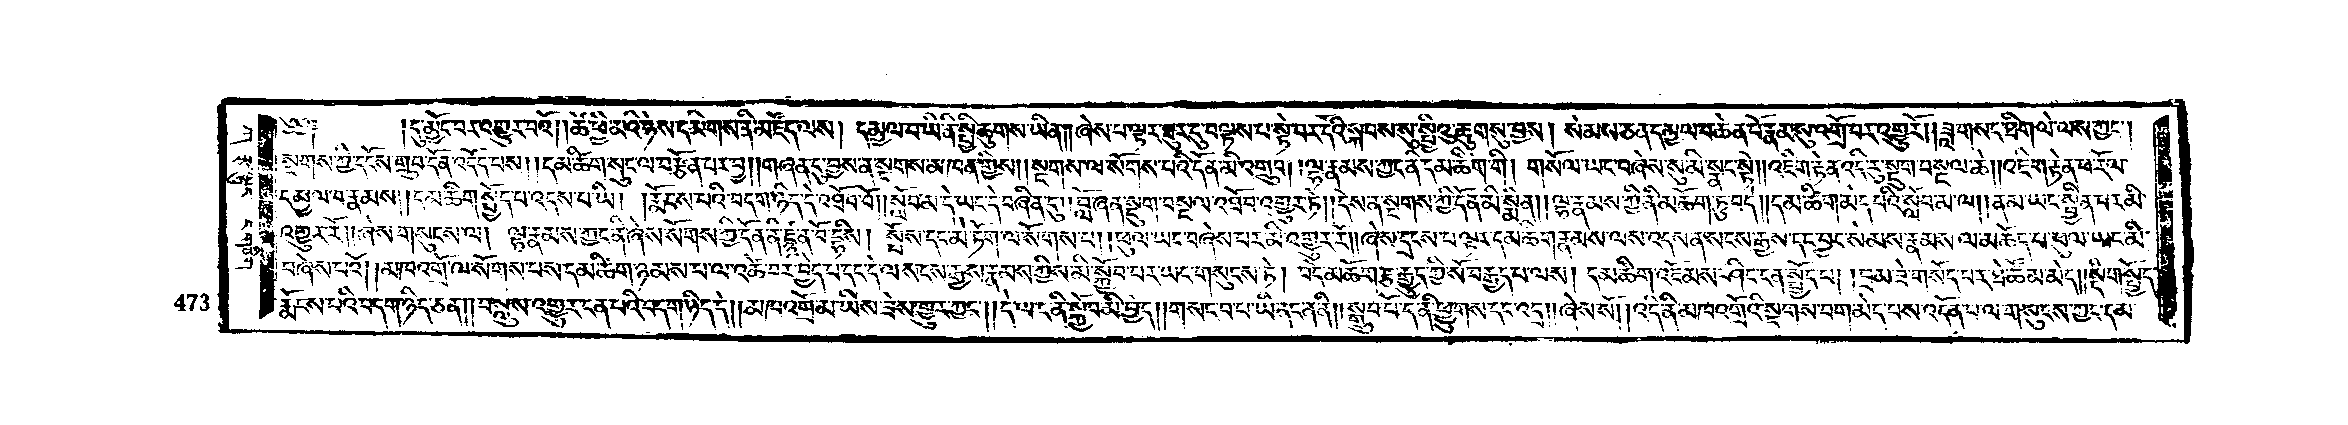༄༅། །དུ་མྱོང་བར་འགྱུར་བའོ། །ཚེ་ཕྱི་མའི་ཉེས་དམིགས་ནི་མཛོད་ལས། དམྱལ་བ་ཡི་ནི་སྤྱི་ཆུགས་ཡིན། །ཞེས་པ་ལྟར་ཐུར་དུ་བལྟས་པ་སྟེ་བར་དོའི་སྐབས་སུ་སྤྱིའུ་ཆུགས་སུ་བྱས། སེམས་ཅན་དམྱལ་བ་ཆེན་པོ་རྣམས་སུ་འགྲོ་བར་འགྱུར་རོ། །ཟླ་གསང་ཐིག་ལེ་ལས་ཀྱང་།
སྔགས་ཀྱི་དངོས་གྲུབ་དོན་འདོད་པས། །དམ་ཚིག་སྲུང་ལ་བརྩོན་པར་བྱ། །གཞན་དུ་བྱས་ན་སྔགས་མཁན་གྱིས། །སྔགས་ལ་སོགས་པའི་དོན་མི་འགྲུབ། །ལྷ་རྣམས་ཀྱང་ནི་དམ་ཚིག་གི། གསོལ་ཡང་བཞེས་སུ་མི་སྣང་སྟེ། །འཇིག་རྟེན་འདི་རུ་སྡུག་བསྔལ་ཆེ། །འཇིག་རྟེན་ཕ་རོལ་
དམྱལ་བ་རྣམས། །དམ་ཚིག་སྤྱོད་པ་འདས་པ་ཡི། །རྨོངས་པའི་བདག་ཉིད་དེ་འཐོབ་བོ། །སློབ་མ་དེ་ཡང་དེ་བཞིན་དུ། །བློ་ཞན་སྡུག་བསྔལ་འཐོབ་འགྱུར་ཏེ། །དེས་ན་སྔགས་ཀྱི་དོན་མི་སྨིན། །ལྷ་རྣམས་ཀྱི་ནི་མཆོག་ཏུ་བདེ། །དམ་ཚིག་མེད་པའི་སློབ་མ་ལ། །ནམ་ཡང་སྦྱིན་པར་མི་
འགྱུར་རོ། །ཞེས་གསུངས་ལ། ལྷ་རྣམས་ཀྱང་ནི་ཞེས་སོགས་ཀྱི་དོན་ནི་ཛྙཱ་ན་བོ་དྷིས། སྤོས་དང་མེ་ཏོག་ལ་སོགས་པ། །ཕུལ་ཡང་བཞེས་པར་མི་འགྱུར་རོ། །ཞེས་དྲངས་པ་ལྟར་དམ་ཚིག་རྣམས་ལས་འདས་ན་སངས་རྒྱས་དང་བྱང་སེམས་རྣམས་ལ་མཆོད་པ་ཕུལ་ཡང་མི་
བཞེས་པའོ། །མཁའ་འགྲོ་ལ་སོགས་པས་དམ་ཚིག་ཉམས་པ་ལ་འཚེ་བར་བྱེད་པ་དང་དེ་ལ་སངས་རྒྱས་རྣམས་ཀྱིས་མི་སྐྱོབ་པར་ཡང་གསུངས་ཏེ། བདེ་མཆོག་རྩ་རྒྱུད་ཀྱི་སོ་བརྒྱད་པ་ལས། དམ་ཚིག་འཇོམས་ཤིང་ངན་སྤྱོད་པ། །བྲམ་ཟེ་གསོད་པར་ཐེ་ཚོམ་མེད། །སྡིག་སྤྱོད་
རྨོངས་པའི་བདག་ཉིད་ཅན། །བསླུས་འགྱུར་ངན་པའི་བདག་ཉིད་དེ། །མཁའ་འགྲོ་མ་ཡིས་ཟེས་གྱུར་ཀྱང་། །དེ་ལ་ང་ནི་སྐྱོབ་མི་བྱེད། །གསང་བ་པ་ཡི་ནང་ན་ནི། །སྒྲུབ་པོ་ད་ནི་ཕྱུགས་དང་འདྲ། །ཞེས་སོ། །འདི་ནི་མཁའ་འགྲོའི་སྔགས་བག་མེད་པས་འདོན་པ་ལ་གསུངས་ཀྱང་དམ་